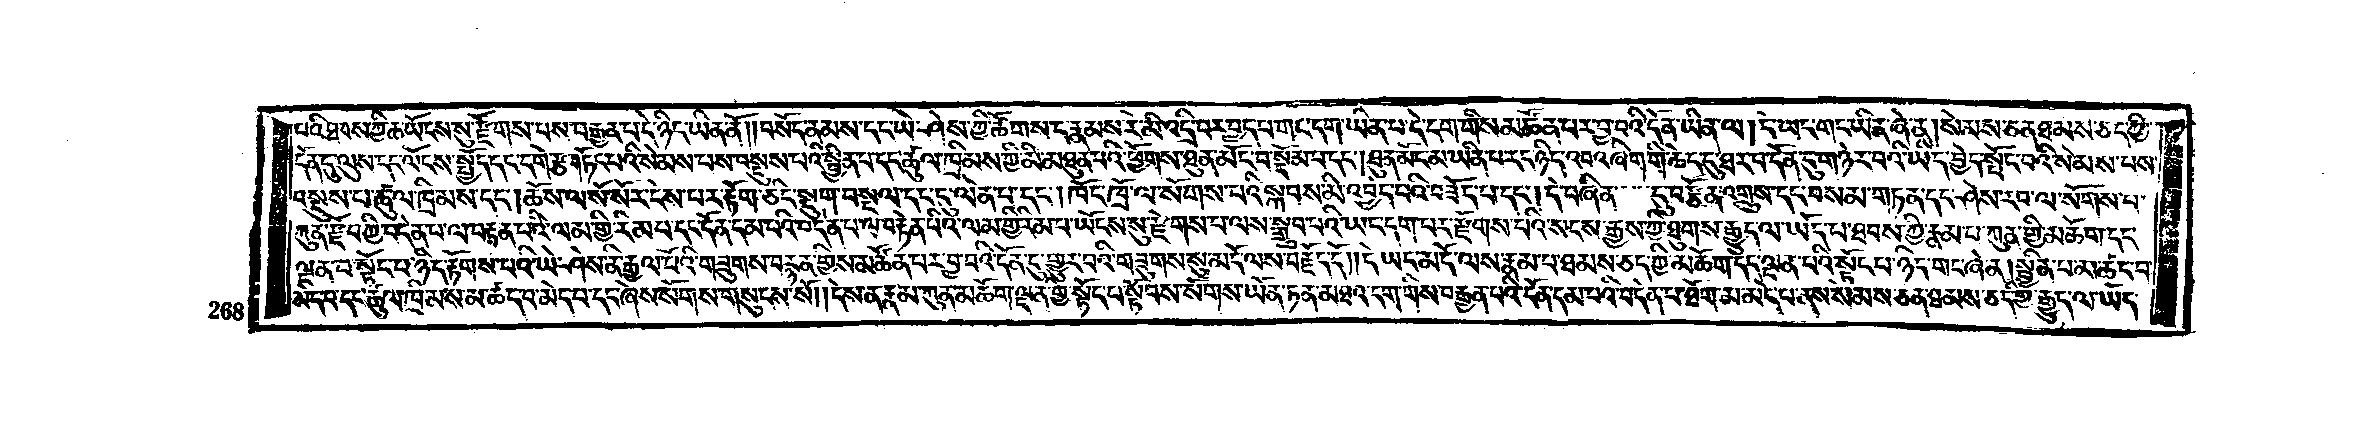པའི་ཐབས་ཀྱི་ཆ་ཡོངས་སུ་རྫོགས་པས་བརྒྱན་པ་དེ་ཉིད་ཡིན་ནོ། །བསོད་ནམས་དང་ཡེ་ཤེས་ཀྱི་ཚོགས་དེ་རྣམས་རེ་མི་འདྲི་བར་བྱད་པ་གང་དག་ཡིན་པ་དེ་དག་གིས་མཚོན་པར་བྱ་བའི་དོན་ཡིན་ལ། དེ་ཡང་གང་ཡིན་ཞེ་ན། སེམས་ཅན་ཐམས་ཅད་ཀྱི་
དོན་དུ་ལུས་དང་ལོངས་སྤྱོད་དང་དགེ་རྩ་གཏོང་པའི་སེམས་པས་བསྡུས་པའི་སྦྱིན་པ་དང་ཚུལ་ཁྲིམས་ཀྱི་མི་མཐུན་པའི་ཕྱོགས་ཐུན་མོང་བ་སྡོམ་པ་དང་། ཐུན་མོང་མ་ཡིན་པ་རང་ཉིད་འབའ་ཞིག་གི་ཆེད་དུ་ཐར་པ་དོན་དུ་གཉེར་བའི་ཡིད་བྱེད་སྤོང་བའི་སེམས་པས་
བསྡུས་པ་ཚུལ་ཁྲིམས་དང་། ཆོས་ལ་སོ་སོར་ངེས་པར་རྟོག་ཅིང་སྡུག་བསྔལ་དང་དུ་ལེན་པ་དང་། ཁོང་ཁྲོ་ལ་སོགས་པའི་སྐབས་མི་འབྱེད་པའི་བཟོད་པ་དང་། དེ་བཞིན་དུ་བརྩོན་འགྲུས་དང་བསམ་གཏན་དང་ཤེས་རབ་ལ་སོགས་པ་
ཀུན་རྫོབ་ཀྱི་བདེན་པ་ལ་བརྟན་པའི་ལམ་གྱི་རིམ་པ་དང་དོན་དམ་པའི་བདེན་པ་ལ་བརྟེན་པའི་ལམ་གྱི་རིམ་པ་ཡོངས་སུ་རྫོགས་པ་ལས་སྒྲུབ་པའི་ཡང་དག་པར་རྫོགས་པའི་སངས་རྒྱས་ཀྱི་ཐུགས་རྒྱུད་ལ་ཡོད་པ་ཐབས་ཀྱི་རྣམ་པ་ཀུན་གྱི་མཆོག་དང་
ལྡན་པ་སྟོང་པ་ཉིད་རྟོགས་པའི་ཡེ་ཤེས་ནི་རྒྱལ་པོའི་གཟུགས་བརྙན་གྱིས་མཚོན་པར་བྱ་བའི་དོན་དུ་གྱུར་པའི་གཟུགས་སུ་མདོ་ལས་བརྗོད་དོ། །དེ་ཡང་མདོ་ལས་རྣམ་པ་ཐམས་ཅད་ཀྱི་མཆོག་དང་ལྡན་པའི་སྟོང་པ་ཉིད་གང་ཞེ་ན། སྦྱིན་པ་མ་ཚང་བ་
མེད་པ་དང་ཚུལ་ཁྲིམས་མ་ཚང་བ་མེད་པ་དང་ཞེས་སོགས་གསུངས་སོ། །དེས་ན་རྣམ་ཀུན་མཆོག་ལྡན་གྱི་སྟོང་པ་སྟོབས་སོགས་ཡོན་ཏན་མཐའ་དག་གིས་བརྒྱན་པའི་དོན་དམ་པའི་བདེན་པ་ཐོག་མ་མེད་པ་ནས་སེམས་ཅན་ཐམས་ཅད་ཀྱི་རྒྱུད་ལ་ཡོད་